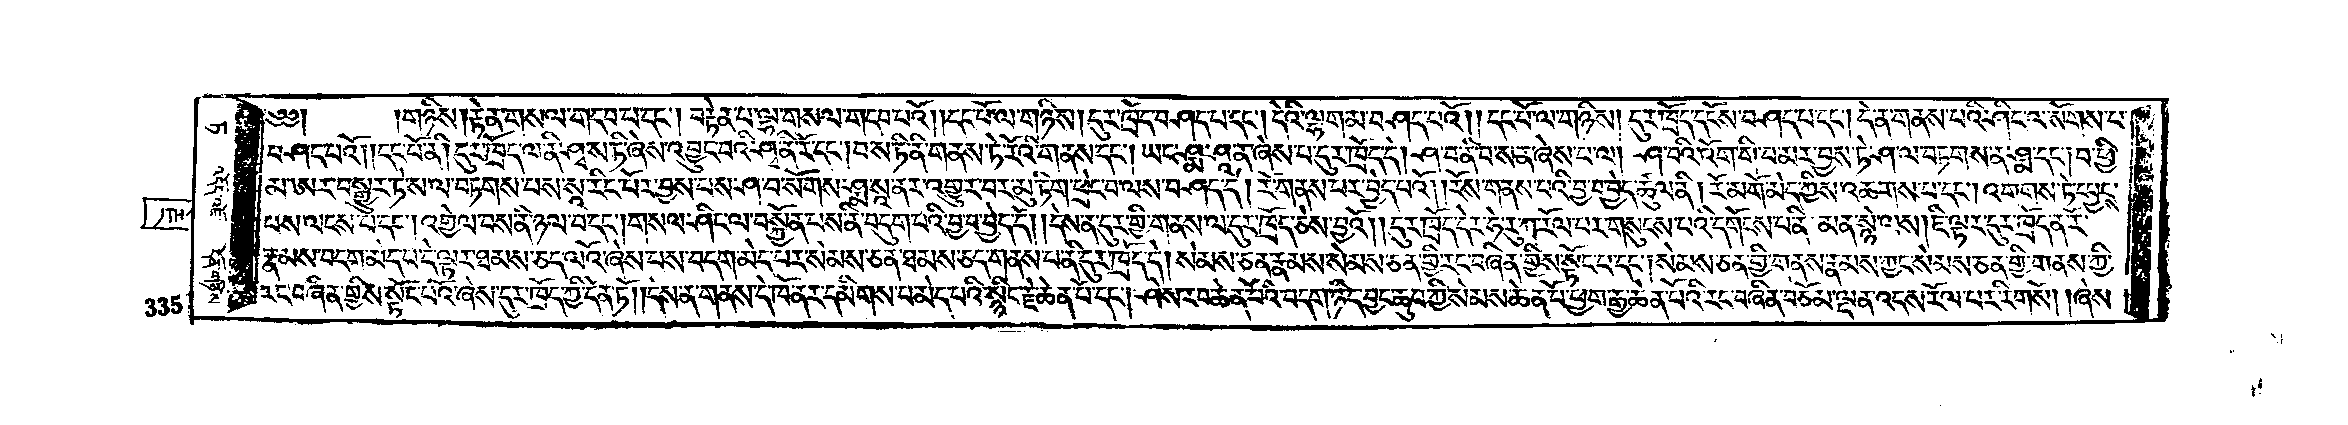༄༅། །གཉིས། རྟེན་གསལ་གདབ་པ་དང་། བརྟེན་པ་ལྷ་གསལ་གདབ་པའོ། །དང་པོ་ལ་གཉིས། དུར་ཁྲོད་བཤད་པ་དང་། དེའི་ལྷག་མ་བཤད་པའོ། །དང་པོ་ལ་གཉིས། དུར་ཁྲོད་དངོས་བཤད་པ་དང་། དེ་ན་གནས་པའི་ཤིང་ལ་སོགས་པ་
བཤད་པའོ། །དང་པོ་ནི། དུར་ཁྲོད་ལ་ནི་ཤྭ་ས་ཏི་ཞེས་འབྱུང་བའི་ཤྭ་ནི་རོ་དང་། བ་ས་ཏི་ནི་གནས་ཏེ་རོའི་གནས་དང་། ཡང་ཤྨ་ཤཱ་ན་ཞེས་པ་དུར་ཁྲོད་དེ། ཤ་བ་ནཾ་བ་ས་ན་ཞེས་པ་ལ། ཤ་བའི་འོག་གི་བ་མར་བྱས་ཏེ་ཤ་ལ་བཏགས་ན་ཤྨ་དང་། བ་ཕྱི་
མ་ཨར་བསྒྱུར་ཏེ་ས་ལ་བཏགས་པས་སཱ་རིང་པོར་བྱས་པས་ཤ་བ་སོགས་ཤྨ་སཱ་ནར་འགྱུར་བར་མུ་ཏིག་ཕྲེང་བ་ལས་བཤད་དེ། རོ་གནས་པར་བྱེད་པའོ། །རོས་གནས་པའི་བྱ་བ་བྱེད་ཚུལ་ནི། རོ་མགོ་མེད་ཀྱིས་འཆགས་པ་དང་། འགགས་ཏེ་དཔྱངས་
པས་ལངས་པ་དང་། འགྱེལ་བས་ནི་ཉལ་བ་དང་། གསལ་ཤིང་ལ་བསྐྱོན་པས་ནི་བདུག་པའི་བྱ་བ་བྱེད་དོ། །དེས་ན་དུར་གྱི་གནས་ལ་དུར་ཁྲོད་ཅེས་བྱའོ། །དུར་ཁྲོད་དེར་ཧེ་རུ་ཀ་རོལ་པར་གསུངས་པའི་དགོངས་པ་ནི་མན་སྙེ་ལས། ཇི་ལྟར་དུར་ཁྲོད་ན་རོ་
རྣམས་བདག་མེད་པ་དེ་ལྟར་ཐམས་ཅད་ལའོ་ཞེས་པས་བདག་མེད་པར་སེམས་ཅན་ཐམས་ཅད་གནས་པ་ནི་དུར་ཁྲོད་དེ། སེམས་ཅན་རྣམས་སེམས་ཅན་གྱི་རང་བཞིན་གྱིས་སྟོང་པ་དང་། སེམས་ཅན་གྱི་གནས་རྣམས་ཀྱང་སེམས་ཅན་གྱི་གནས་ཀྱི་
རང་བཞིན་གྱིས་སྟོང་པའོ་ཞེས་དུར་ཁྲོད་ཀྱི་དོན་ཏོ། །དེས་ན་གནས་དེ་ཁོ་ནར་དམིགས་པ་མེད་པའི་སྙིང་རྗེ་ཆེན་པོ་དང་། ཤེས་རབ་ཆེན་པོའི་བདག་ཉིད་བྱང་ཆུབ་ཀྱི་སེམས་ཆེན་པོ་ཕྱག་རྒྱ་ཆེན་པོའི་རང་བཞིན་བཅོམ་ལྡན་འདས་རོལ་པར་རིགས་སོ། །ཞེས་